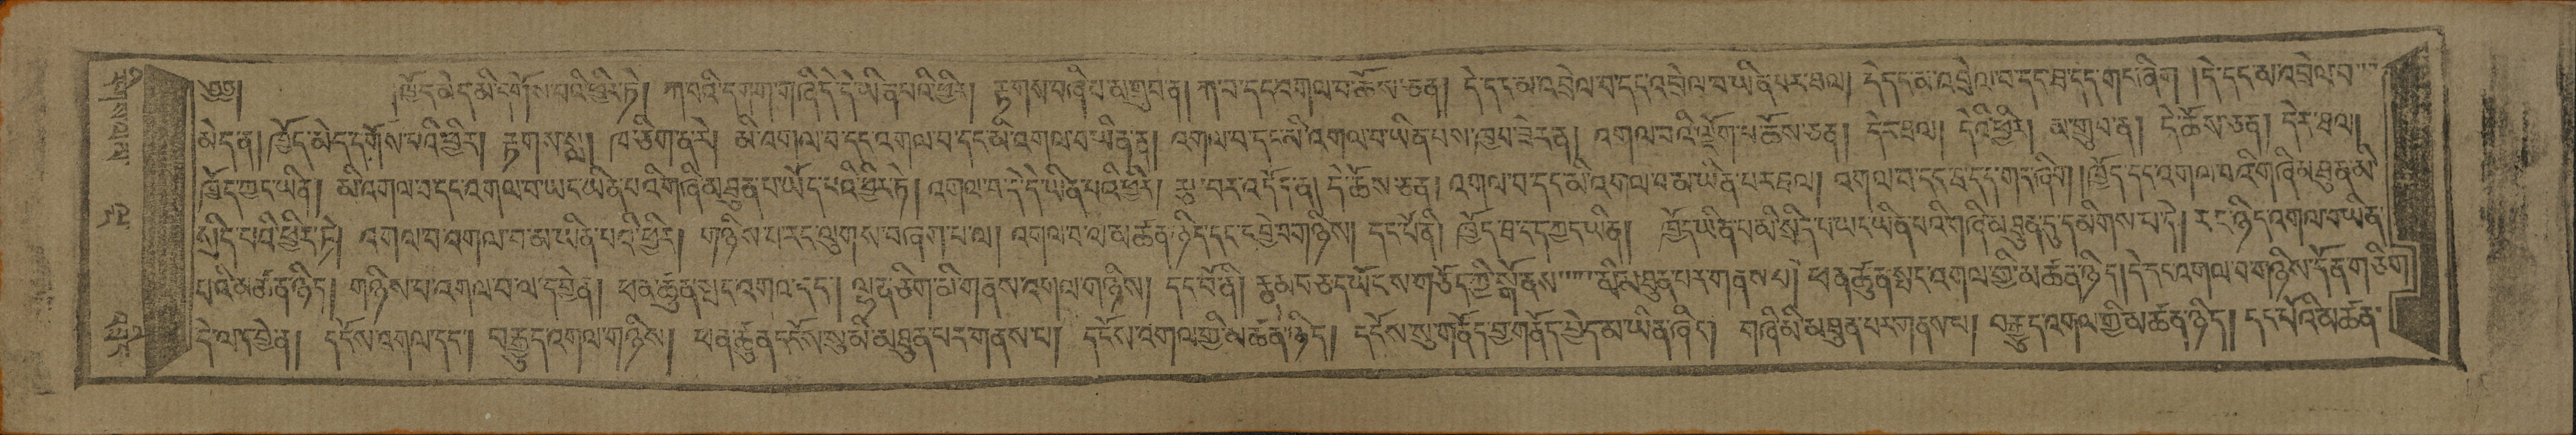༄༅། །ཁྱོད་མེད་མི་དགོས་པའི་ཕྱིར་ཏེ། ཀ་བའི་དགག་གཞི་དེ་དེ་ཡིན་པའི་ཕྱིར། རྟགས་བཞི་པ་མ་གྲུབ་ན། ཀ་བ་དང་འགལ་བ་ཆོས་ཅན། དེ་དང་མ་འབྲེལ་བ་དང་འབྲེལ་བ་ཡིན་པར་ཐལ། དེ་དང་མ་འབྲེལ་བ་དང་ཐ་དད་གང་ཞིག །དེ་དང་མ་འབྲེལ་བ་
མེད་ན། ཁྱོད་མེད་དགོས་པའི་ཕྱིར། རྟགས་སླ། ཁ་ཅིག་ན་རེ། མི་འགལ་བ་དང་འགལ་བ་དང་མི་འགལ་བ་ཡིན་ན། འགལ་བ་དང་མི་འགལ་བ་ཡིན་པས་ཁྱབ་ཟེར་ན། འགལ་བའི་ལྡོག་པ་ཆོས་ཅན། དེར་ཐལ། དེའི་ཕྱིར། མ་གྲུབ་ན། དེ་ཆོས་ཅན། དེར་ཐལ།
ཁྱོད་ཀྱང་ཡིན། མི་འགལ་བ་དང་འགལ་བ་ཡང་ཡིན་པའི་གཞི་མཐུན་པ་ཡོད་པའི་ཕྱིར། འགལ་བ་དེ་དེ་ཡིན་པའི་ཕྱིར། རྩ་བར་འདོད་ན། དེ་ཆོས་ཅན། འགལ་བ་དང་མི་འགལ་བ་མ་ཡིན་པར་ཐལ། འགལ་བ་དང་ཐ་དད་གང་ཞིག །ཁྱོད་དང་འགལ་བའི་གཞི་མཐུན་མི་
སྲིད་པའི་ཕྱིར་ཏེ། འགལ་བ་འགལ་བ་མ་ཡིན་པའི་ཕྱིར། གཉིས་པ་རང་ལུགས་བཞག་པ་ལ། འགལ་བ་ལ་མཚན་ཉིད་དང་དབྱེ་བ་གཉིས། དང་པོ་ནི། ཁྱོད་ཐ་དད་ཀྱང་ཡིན། ཁྱོད་ཡིན་པ་མི་སྲིད་པ་ཡང་ཡིན་པའི་གཞི་མཐུན་དུ་དམིགས་པ་དེ། རང་ཉིད་འགལ་བ་ཡིན་
པའི་མཚན་ཉིད། གཉིས་པ་འགལ་བ་ལ་དབྱེ་ན། ཕན་ཚུན་སྤང་འགལ་དང་། ལྷན་ཅིག་མི་གནས་འགལ་གཉིས། དང་པོ་ནི། རྣམ་བཅད་ཡོངས་གཅོད་ཀྱི་སྒོ་ནས་མི་མཐུན་པར་གནས་པ། ཕན་ཚུན་སྤང་འགལ་གྱི་མཚན་ཉིད། དེ་དང་འགལ་བ་གཉིས་དོན་གཅིག་
དེ་ལ་དབྱེ་ན། དངོས་འགལ་དང་། བརྒྱུད་འགལ་གཉིས། ཕན་ཚུན་དངོས་སུ་མི་མཐུན་པར་གནས་པ། དངོས་འགལ་གྱི་མཚན་ཉིད། དངོས་སུ་གནོད་བྱ་གནོད་བྱེད་མ་ཡིན་ཞིང་། གཞི་མི་མཐུན་པར་གནས་པ། བརྒྱུད་འགལ་གྱི་མཚན་ཉིད། དང་པོའི་མཚན་